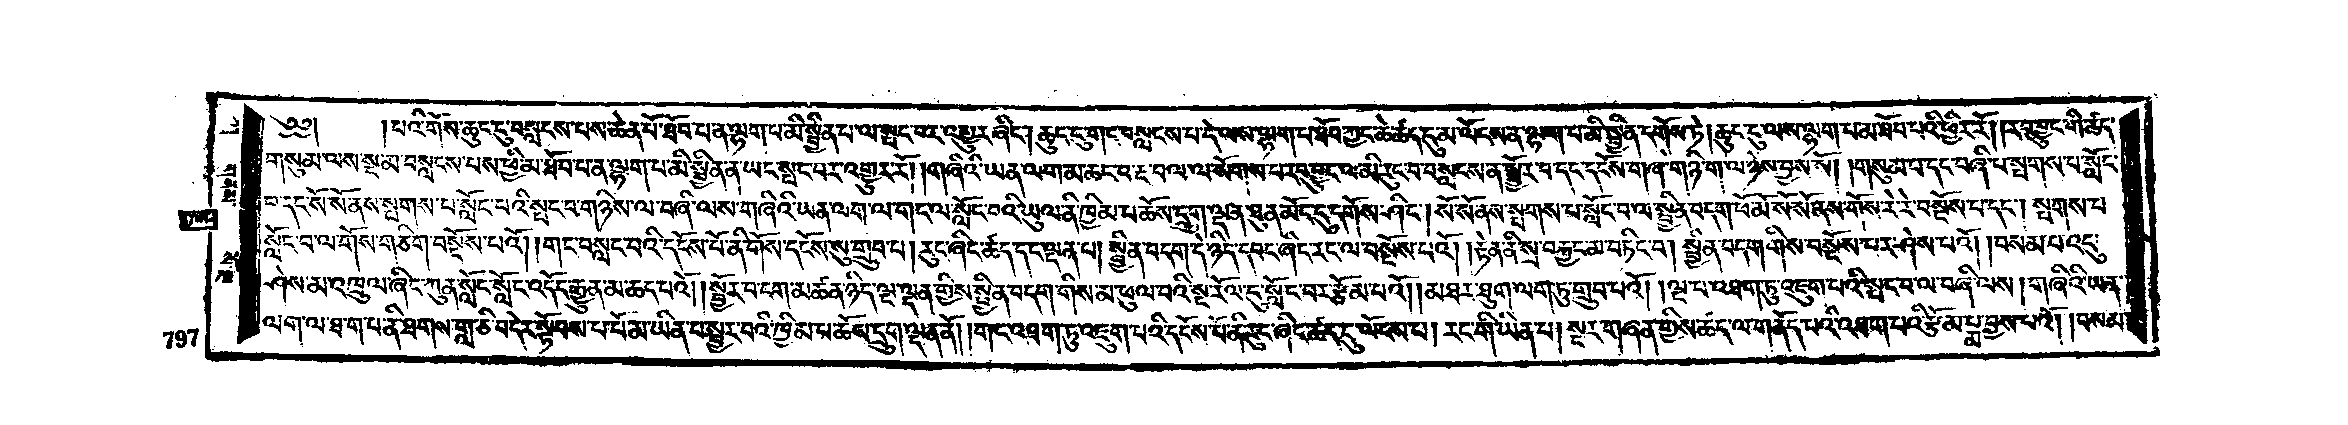༄༅། །པའི་གོས་ཆུང་ངུ་བསླངས་པས་ཆེན་པོ་ཐོབ་པ་ན་ལྷག་པ་མི་སྦྱིན་པ་ལ་སྤང་བར་འགྱུར་ཞིང་། ཆུང་ངུ་གང་བསླངས་པ་དེ་ལས་ལྷག་པ་ཐོབ་ཀྱང་ཆེ་ཚད་དུ་མ་ལོངས་ན་ལྷག་པ་མི་སྦྱིན་དགོས་ཏེ། ཆུང་ངུ་ལས་ལྷག་པ་མ་ཐོབ་པའི་ཕྱིར་རོ། །རབ་བྱུང་གི་ཚད་
གསུམ་ལས་སྔ་མ་བསླངས་པས་ཕྱི་མ་ཐོབ་པ་ན་ལྷག་པ་མི་སྦྱིན་ན་ཡང་སྤང་བར་འགྱུར་རོ། །གཞིའི་ཡན་ལག་མ་ཚང་བ་རྔ་བལ་ལ་སོགས་པ་རབ་བྱུང་ལ་མི་རུང་བ་བསླངས་ན་སྦྱོར་བ་དང་དངོས་གཞི་གཉི་ག་ལ་ཉེས་བྱས་སོ། །གསུམ་པ་དང་བཞི་པ་སྤགས་པ་སློང་
བ་དང་སོ་སོ་ནས་སྤགས་པ་སློང་པའི་སྤང་བ་གཉིས་ལ་བཞི་ལ་གཞིའི་ཡན་ལག་ལ་གང་ལ་སློང་བའི་ཡུལ་ནི་ཁྱིམ་པ་ཆོས་དྲུག་ལྡན་ཐུན་མོང་དུ་དགོས་ཤིང་། སོ་སོ་ནས་སྤགས་པ་སློང་བ་ལ་སྦྱིན་བདག་ཕོ་མོ་སོ་སོ་ནས་གོས་རེ་རེ་བསྔོས་པ་དང་། སྤགས་པ་
སློང་བ་ལ་གོས་གཅིག་བསྔོས་?་པའོ། །གང་བསླང་བའི་དངོས་པོ་ནི་གོས་དངོས་སུ་གྲུབ་པ། རུང་ཞིང་ཚད་དང་ལྡན་པ། སྦྱིན་བདག་དེ་ཉིད་དབང་ཞིང་རང་ལ་བསྔོས་པའོ། །རྟེན་ནི་སྲ་བརྐྱང་མ་བཏིང་བ། སྦྱིན་བདག་གིས་བསྔོས་པར་ཤེས་པའོ། །བསམ་པ་འདུ་
ཤེས་མ་འཁྲུལ་ཞིང་ཀུན་སློང་སློང་འདོད་རྒྱུན་མ་ཆད་པའོ། །སྦྱོར་བ་ངག་མཚན་ཉིད་ལྔ་ལྡན་གྱིས་སྦྱིན་བདག་གིས་མ་ཕུལ་བའི་སྔ་རོལ་དུ་སློང་བར་རྩོམ་པའོ། །མཐར་ཐུག་ལག་ཏུ་གྲུབ་པའོ། །ལྔ་པ་འཐག་ཏུ་འཇུག་པའི་སྤང་བ་ལ་བཞི་ལས། གཞིའི་ཡན་
ལག་ལ་ཐ་ག་པ་ནི་ཐགས་གླ་ཅི་བདེར་སྟོབས་པ་པོ་མ་ཡིན་པ་སྦྱར་བའི་ཁྱིམ་པ་ཆོས་དྲུག་ལྡན་ནོ། །གང་འཐག་ཏུ་འཇུག་པའི་དངོས་པོ་ནི་རུང་ཞིང་ཚད་དུ་ལོངས་པ། རང་གི་ཡིན་པ། སྔར་གཞན་གྱིས་ཚད་ལ་གནོད་པའི་འཐག་པའི་རྩོམ་པ་མ་བྱས་པའོ། །བསམ་